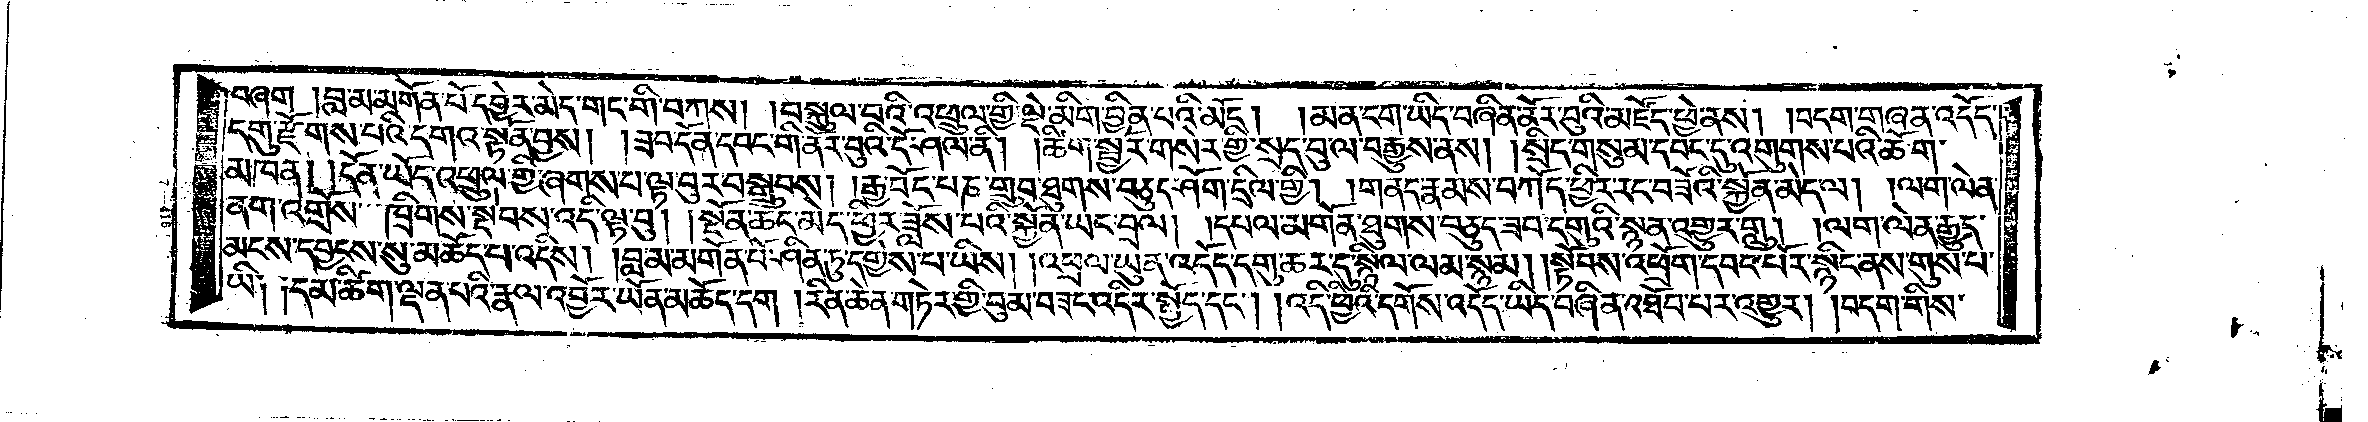བཞག །བླ་མ་མགོན་པོ་དབྱེར་མེད་གང་གི་བཀས། །བསྐུལ་བའི་འཕྲུལ་གྱི་ལྡེ་མིག་བྱིན་པའི་མོད། །མན་ངག་ཡིད་བཞིན་ནོར་བུའི་མཛོད་ཕྱེ་ནས། །བདག་གཞན་འདོད་
དགུ་རྫོགས་པའི་དགའ་སྟོན་བྱས། །ཟབ་དོན་དབང་གི་ནོར་བུའི་དོ་ཤལ་ནི། །ཚིག་སྦྱོར་གསེར་གྱི་སྲད་བུ་ལ་བརྒྱུས་ནས། །སྲིད་གསུམ་དབང་དུ་འགུགས་པའི་ཆོག་
མཁན། །དོན་ཡོད་འཕྲུལ་གྱི་ཞགས་པ་ལྟ་བུར་བསྒྲུབས། །རྒྱ་བོད་པཎ་གྲུབ་ཐུགས་བཅུད་ཤོག་དྲིལ་གྱི། །གནད་རྣམས་བཀོད་ཕྱིར་རང་བཟོའི་སྐྱོན་མེད་ལ། །ལག་ལེན་
ནག་འགྲོས་ཁྲིགས་སྡེབས་འདི་ལྟ་བུ། །སྔོན་ཆད་མེད་ཕྱིར་ཟློས་པའི་སྐྱོན་ཡང་བྲལ། །དཔལ་མགོན་ཐུགས་བཅུད་ཟབ་དགུའི་སྙན་འགྱུར་གླུ། །ལག་ལེན་རྒྱུད་
མངས་དབྱངས་སུ་མཆོད་པ་འདིས། །བླ་མ་མགོན་པོ་ཤིན་ཏུ་དགྱེས་པ་ཡིས། །འཕྲལ་ཡུན་འདོད་དགུ་ཆར་དུ་སྙིལ་ལམ་སྙམ། །སྟོབས་འཕྲོག་དབང་པོར་སྙིང་ནས་གུས་པ་
ཡི༑ ༑དམ་ཚིག་ལྡན་པའི་རྣལ་འབྱོར་ཡོན་མཆོད་དག །རིན་ཆེན་གཏེར་གྱི་བུམ་བཟང་འདིར་སྤྱོད་དང་། །འདི་ཕྱིའི་དགོས་འདོད་ཡིད་བཞིན་འཐོབ་པར་འགྱུར། །བདག་གིས་